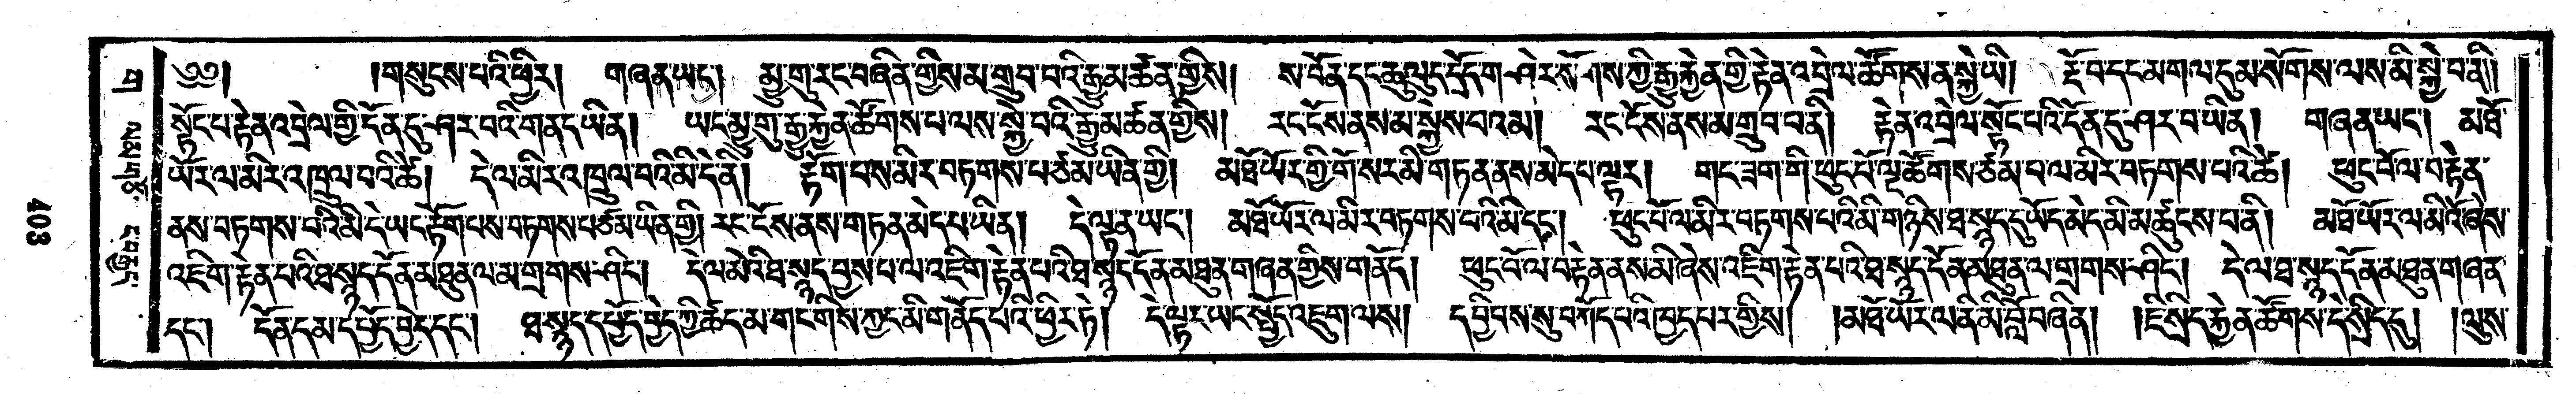༄༅། །གསུངས་པའི་ཕྱིར། གཞན་ཡང་། མྱུ་གུ་རང་བཞིན་གྱིས་མ་གྲུབ་བའི་རྒྱུ་མཚན་གྱིས། ས་བོན་དང་ཆུ་ལུད་དྲོད་གཤེར་སོགས་ཀྱི་རྒྱུ་རྐྱེན་གྱི་རྟེན་འབྲེལ་ཚོགས་ན་སྐྱེ་ཡི། རྡོ་བ་དང་མགལ་དུམ་སོགས་ལས་མི་སྐྱེ་བ་ནི།།
སྟོང་པ་རྟེན་འབྲེལ་གྱི་དོན་དུ་ཤར་བའི་གནད་ཡིན། ཡང་མྱུ་གུ་རྒྱུ་རྐྱེན་ཚོགས་པ་ལས་སྐྱེ་བའི་རྒྱུ་མཚན་གྱིས། རང་ངོས་ནས་མ་སྐྱེས་པའམ། རང་ངོས་ནས་མ་གྲུབ་པ་ནི། རྟེན་འབྲེལ་སྟོང་པའི་དོན་དུ་ཤར་བ་ཡིན། གཞན་ཡང་། མཐོ་
ཡོར་ལ་མིར་འཁྲུལ་བའི་ཚེ། དེ་ལ་མིར་འཁྲུལ་བའི་མི་དེ་ནི། རྟོག་པས་མིར་བཏགས་པ་ཙམ་ཡིན་གྱི། མཐོ་ཡོར་གྱི་གོ་སར་མི་གཏན་ནས་མེད་པ་ལྟར། གང་ཟག་གི་ཕུང་པོ་ལྔ་ཚོགས་ཙམ་པ་ལ་མིར་བཏགས་པའི་ཚེ། ཕུང་པོ་ལ་བརྟེན་
ནས་བཏགས་པའི་མི་དེ་ཡང་རྟོག་པས་བཏགས་པ་ཙམ་ཡིན་གྱི། རང་ངོས་ནས་གཏན་མེད་པ་ཡིན། དེ་ལྟ་ན་ཡང་། མཐོ་ཡོར་ལ་མིར་བཏགས་པའི་མི་དང་། ཕུང་པོ་ལ་མིར་བཏགས་པའི་མི་གཉིས་ཐ་སྙད་དུ་ཡོད་མེད་མི་མཚུངས་པ་ནི། མཐོ་ཡོར་ལ་མིའོ་ཞེས་
འཇིག་རྟེན་པའི་ཐ་སྙད་དོན་མཐུན་ལ་མ་གྲགས་ཤིང་། དེ་ལ་མེའི་ཐ་སྙད་བྱས་པ་ལ་འཇིག་རྟེན་པའི་ཐ་སྙད་དོན་མཐུན་གཞན་གྱིས་གནོད། ཕུང་པོ་ལ་བརྟེན་ནས་མི་ཞེས་འཇིག་རྟེན་པའི་ཐ་སྙད་དོན་མཐུན་ལ་གྲགས་ཤིང་། དེ་ལ་ཐ་སྙད་དོན་མཐུན་གཞན་
དང་། དོན་དམ་དཔྱོད་བྱེད་དང་། ཐ་སྙད་དཔྱོད་བྱེད་ཀྱི་ཚད་མ་གང་གིས་ཀྱང་མི་གནོད་པའི་ཕྱིར་ཏེ། དེ་ལྟར་ཡང་སྤྱོད་འཇུག་ལས། དབྱིབས་སུ་བཀོད་པའི་ཁྱད་པར་གྱིས། །མཐོ་ཡོར་ལ་ནི་མི་བློ་བཞིན། །ཇི་སྲིད་རྐྱེན་ཚོགས་དེ་སྲིད་དུ། །ལུས་